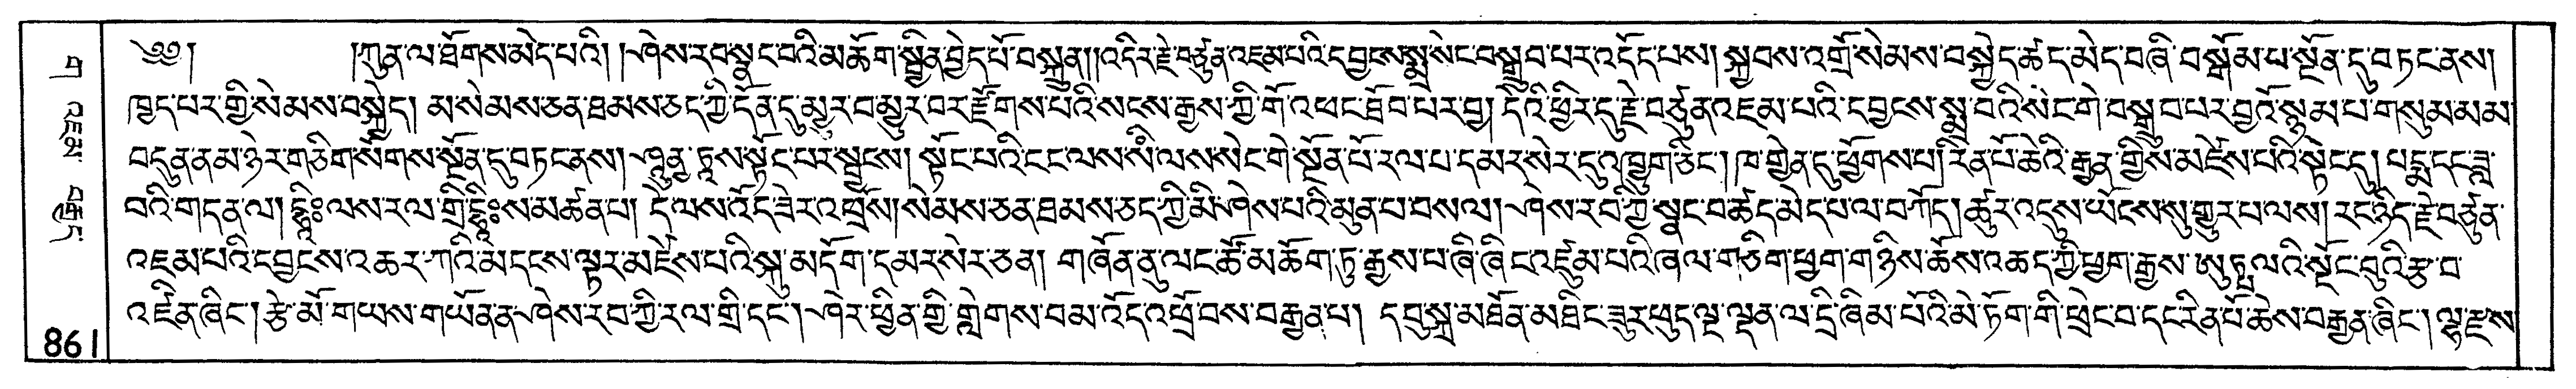༄༅། །ཀུན་ལ་ཐོགས་མེད་པའི། །ཤེས་རབ་སྣང་བའི་མཆོག་སྦྱིན་བྱེད་པོ་བསྐྲུན། །འདིར་རྗེ་བཙུན་འཇམ་པའི་དབྱངས་སྨྲ་སེང་བསྒྲུབ་པར་འདོད་པས། སྐྱབས་འགྲོ་སེམས་བསྐྱེད་ཚད་མེད་བཞི་བསྒོམ་པ་སྔོན་དུ་བཏང་ནས།
ཁྱད་པར་གྱི་སེམས་བསྐྱེད། མ་སེམས་ཅན་ཐམས་ཅད་ཀྱི་དོན་དུ་མྱུར་བ་མྱུར་བར་རྫོགས་པའི་སངས་རྒྱས་ཀྱི་གོ་འཕང་ཐོབ་པར་བྱ། དེའི་ཕྱིར་དུ་རྗེ་བཙུན་འཇམ་པའི་དབྱངས་སྨྲ་བའི་སེང་གེ་བསྒྲུབ་པར་བྱའོ་སྙམ་པ་གསུམ་མམ་
བདུན་ནམ་ཉེར་གཅིག་སོགས་སྔོན་དུ་བཏང་ནས། ཤཱུནྱ་ཏཱས་སྟོང་པར་སྦྱངས། སྟོང་པའི་ངང་ལས་སིཾ་ལས་སེང་གེ་སྔོན་པོ་རལ་པ་དམར་སེར་དུ་འཁྱུག་ཅིང་། ཁ་གྱེན་དུ་ཕྱོགས་པ། རིན་པོ་ཆེའི་རྒྱན་གྱིས་མཛེས་པའི་སྟེང་དུ། པདམ་དང་ཟླ་
བའི་གདན་ལ། དྷཱིཿ ལས་རལ་གྲི་དྷཱིཿ ས་མཚན་པ། དེ་ལས་འོད་ཟེར་འཕྲོས། སེམས་ཅན་ཐམས་ཅད་ཀྱི་མི་ཤེས་པའི་མུན་པ་བསལ། ཤེས་རབ་ཀྱི་སྣང་བ་ཚད་མེད་པ་ལ་བཀོད། ཚུར་འདུས་ཡོངས་སུ་གྱུར་པ་ལས། རང་ཉིད་རྗེ་བཙུན་
འཇམ་པའི་དབྱངས་འཆར་ཀའི་མདངས་ལྟར་མཛེས་པའི་སྐུ་མདོག་དམར་སེར་ཅན། གཞོན་ནུ་ལང་ཚོ་མཆོག་ཏུ་རྒྱས་པ་ཞི་ཞིང་འཛུམ་པའི་ཞལ་གཅིག་ཕྱག་གཉིས་ཆོས་འཆད་ཀྱི་ཕྱག་རྒྱས་ཨུཏྤལའི་སྡོང་བུའི་རྩ་བ་
འཛིན་ཞིང་། རྩེ་མོ་གཡས་གཡོན་ན་ཤེས་རབ་ཀྱི་རལ་གྲི་དང་། ཤེར་ཕྱིན་གྱི་གླེགས་བམ་འོད་འཕྲོ་བས་བརྒྱན་པ། དབུ་སྐྲ་མཐོན་མཐིང་ཟུར་ཕུད་ལྔ་ལྡན་ལ་དྲི་ཞིམ་པོའི་མེ་ཏོག་གི་ཕྲེང་བ་དང་རིན་པོ་ཆེས་བརྒྱན་ཞིང་། ལྷ་རྫས་